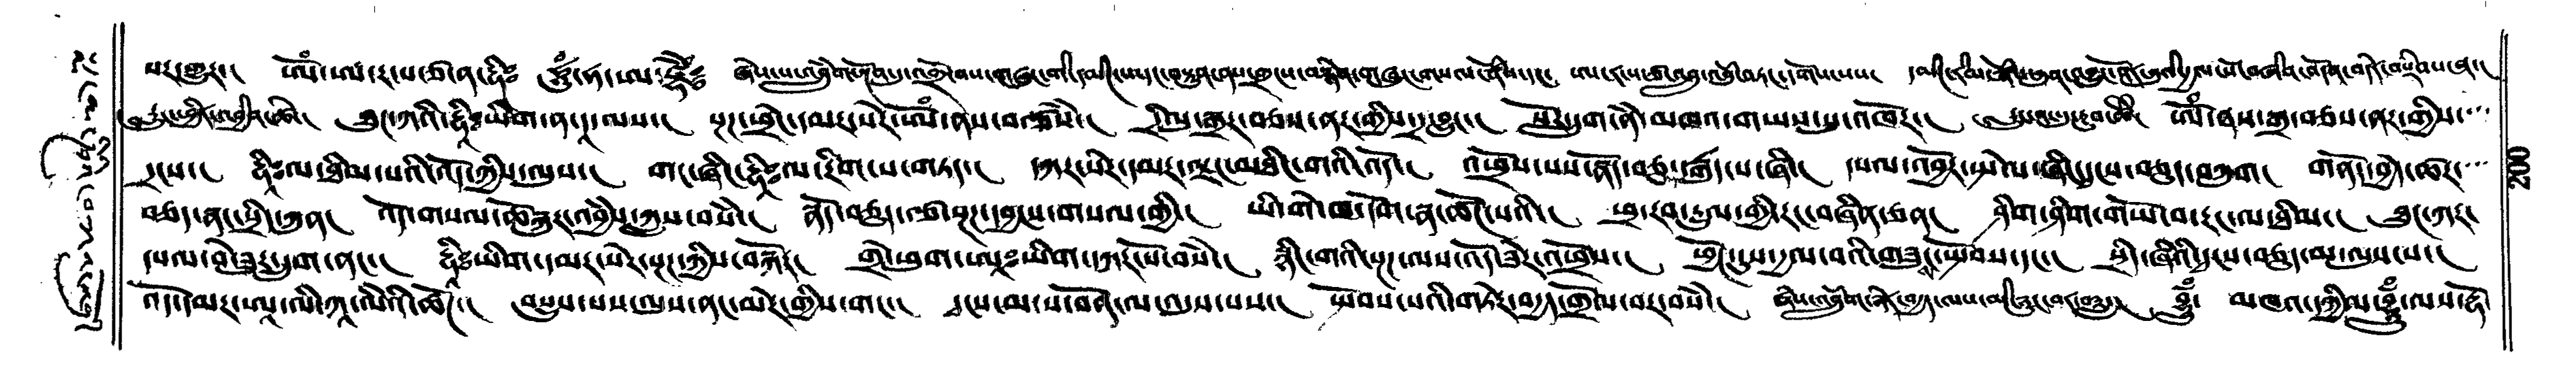པར་གྱུར། ཨོཾ་ཨ་ར་པ་ཙ་ན་དྷཱིཿ ཧཱུྃ་ཧ་ཨ་ཛྷཻཾ༔ ཞེས་པ་འབུམ་དྲུག་སྔོན་དུ་འགྲོ་བས་གཞུང་གི་དམིགས་པ་དང་བསྟུན་ནས་གྲངས་བསྙེན་གཞུང་གསལ་རྣམས་དང་། ཨ་ར་པ་ཙ་འབྲུ་འབུམ་བཏང་དགོས་པས། དམིགས་རིམ་རྣམས་ཀུན་འབྱུང་ནོར་བུའི་རྒྱལ་པོ་བཞིན་འདོན་བདེར་བསྡེབས་ན། 
རླུང་ཕྱིར་འབྱིན་ཚེ། ཐུགས་ཀའི་དྷིཿཡིག་ན་དཱ་ལས། །སྔགས་ཕྲེང་དམར་སེར་ཨོཾ་ནས་བརྩམས། །དྲིལ་ལུ་སྒྲར་བཅས་ནར་གྱིས་བྱུང། །སོར་དྲུག་ནམ་མཁའ་གཡས་སུ་འཁོར། རླུང་ནང་དུ་རྔུབ་ཚེ། ཨོཾ་ནས་སྒྲ་བཅས་ནར་གྱིས་
དྲངས། །དྷྀཿལ་ཐིམ་པས་འོད་ཀྱིས་ལུས། །གང་ཞིང་དྷིཿལ་རིག་པ་གཏད། །དཀར་སེར་དམར་ལྗང་མཐིང་གའི་འོད། །འཕྲོས་པས་སྣོད་བཅུད་རྒུད་པ་ཞི། །དཔལ་བྱོར་སྤེལ་ཞིང་དྭངས་བཅུད་བཀུག །གནོད་བྱེད་ཚར་
བཅད་སྣང་སྲིད་ཀུན། །འོད་གསལ་ཆོས་སྐུར་འབྱམས་ཀླས་བསམ། །སྣོད་བཅུད་རྩ་སྔགས་དབྱངས་གསལ་གྱི། ཡི་གེ་ཁ་དོག་སྣ་ཚོགས་པའི། །ཕྲ་རབ་རྡུལ་གྱི་རང་བཞིན་ཅན། །ཤིག་ཤིག་གཡོ་བ་རང་ལ་ཐིམ། །ཐུགས་ཀར་
དཔལ་བེའུ་ཟུར་དྲུག་ནང། །དྷིཿཡིག་དམར་སེར་སྔགས་ཀྱིས་བསྐོར། །གྲེ་ཕུག་ཨཱ་ཡིག་དཀར་པོར་བསམ། །སྙིང་གའི་སྔགས་ལས་འོད་ཟེར་འཕྲོས། །ཕྱོགས་དུས་རྒྱལ་བའི་གཟུངས་སྤོབས་དང་། །སྲིད་ཞིའི་དྭངས་བཅུད་མ་ལུས་པ། །
འོད་དམར་ཨཱ་ལི་ཀཱ་ལིའི་ཚོགས། །བསྡུས་པས་ལུས་ནང་མེར་གྱིས་གང་། །དྭངས་མ་ས་བོན་ལ་འདུས་པས། །སྤོབས་པའི་གཏེར་བརྒྱད་གྲོལ་བར་བསམ།ཞེས་འབུམ་ཕྲག་ཉེར་བརྒྱད་ལས་མི་ཉུང་བར་བཟླ། བྷྲུྃ། མཁའ་དཀྱིལ་བྷྲུྃ་ལས་རྡོ་